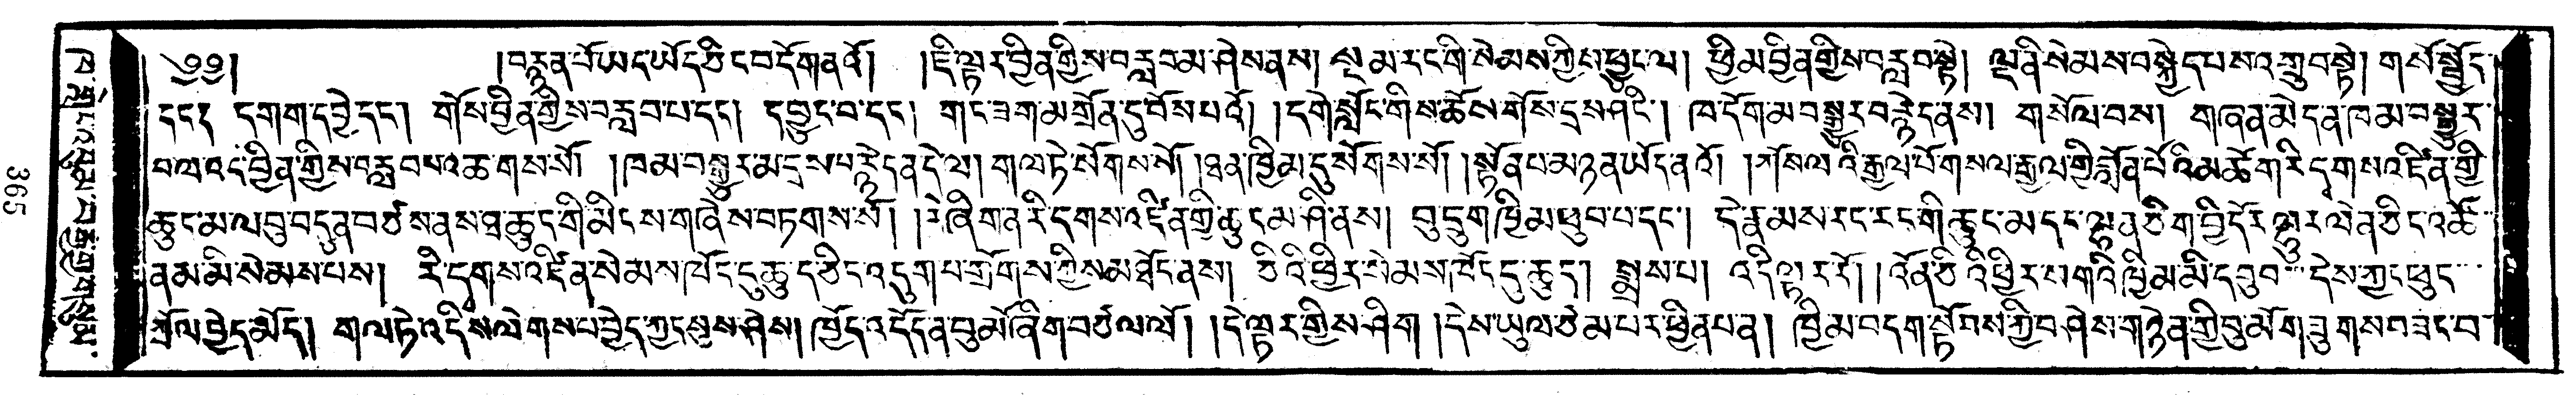༄༅། །བརྙན་པོ་ཡང་ཡོད་ཅིང་བདོག་ནའོ། །ཇི་ལྟར་བྱིན་གྱིས་བརླབ་མ་ཤེས་ནས། སྔ་མ་རང་གི་སེམས་ཀྱིས་ཕྱུང་ལ། ཕྱི་མ་བྱིན་གྱིས་བརླབ་སྟེ། ལྔ་ནི་སེམས་བསྐྱེད་པས་འགྲུབ་སྟེ། གསོ་སྦྱོད་
དང་། དགག་དབྱེ་དང་། གོས་བྱིན་གྱིས་བརླབ་པ་དང་། དབྱུང་བ་དང་། གང་ཟག་མགྲོན་དུ་བོས་པའོ། །དགེ་སློང་གིས་ཆོས་གོས་དྲས་ཤིང་། ཁ་དོག་མ་བསྒྱུར་བ་རྙེད་ནས། གསོལ་བས། གཞན་མེད་ན་ཁམ་བསྒྱུར་
བ་ལ་འང་བྱིན་གྱིས་བརླབས་པ་འཆགས་སོ། །ཁམ་བསྒྱུར་མ་དྲས་བརྙེད་ན་དེ་ལ། གལ་ཏེ་སོགས་སོ། །ཐན་ཁྱིམ་དུ་སོགས་སོ། །སྟོན་པ་མཉན་ཡོད་ནའོ། །ཀོས་ལའི་རྒྱལ་པོ་གསལ་རྒྱལ་གྱི་བློན་པོའི་མཆོག་རི་དྭགས་འཛིན་གྱི་
ཆུང་མ་ལ་བུ་བདུན་བཙས་ནས་ཐ་ཆུང་གི་མིང་ས་གཞེས་བཏགས་སོ། །རེ་ཞིག་ན་རི་དགས་འཛིན་གྱི་ཆུང་མ་ཤི་ནས། བུ་དྲུག་ཁྱིམ་ཕུབ་པ་དང་། དེ་རྣམས་རང་རང་གི་ཆུང་མ་དང་ལྷན་ཅིག་བྱི་དོར་ལྷུར་ལེན་ཅིང་འཚོ་
ནམ་མི་སེམས་པས། རི་དྭགས་འཛིན་སེམས་ཁོང་དུ་ཆུད་ཅིང་འདུག་པ་གྲོགས་ཀྱིས་མཐོང་ནས། ཅིའི་ཕྱིར་སེམས་ཁོང་དུ་ཆུད། སྨྲས་པ། འདི་ལྟར་རོ། །འོན་ཅིའི་ཕྱིར་ས་གའི་ཁྱིམ་མི་དབུབ་དེས་ཀྱང་ཕུང་
ཀྲོལ་བྱེད་མོད། གལ་ཏེ་འདིས་ལེགས་པ་བྱེད་ཀྱང་སུས་ཤེས། ཁྱོད་འདོད་ན་བུ་མོ་ཞིག་བཙལ་ལོ། །དེ་ལྟར་གྱིས་ཤིག །དེས་ཡུལ་ཙམ་པར་ཕྱིན་པ་ན། ཁྱིམ་བདག་སྟོབས་ཀྱི་བཤེས་གཉེན་གྱི་བུ་མོ་གཟུགས་བཟང་བ་